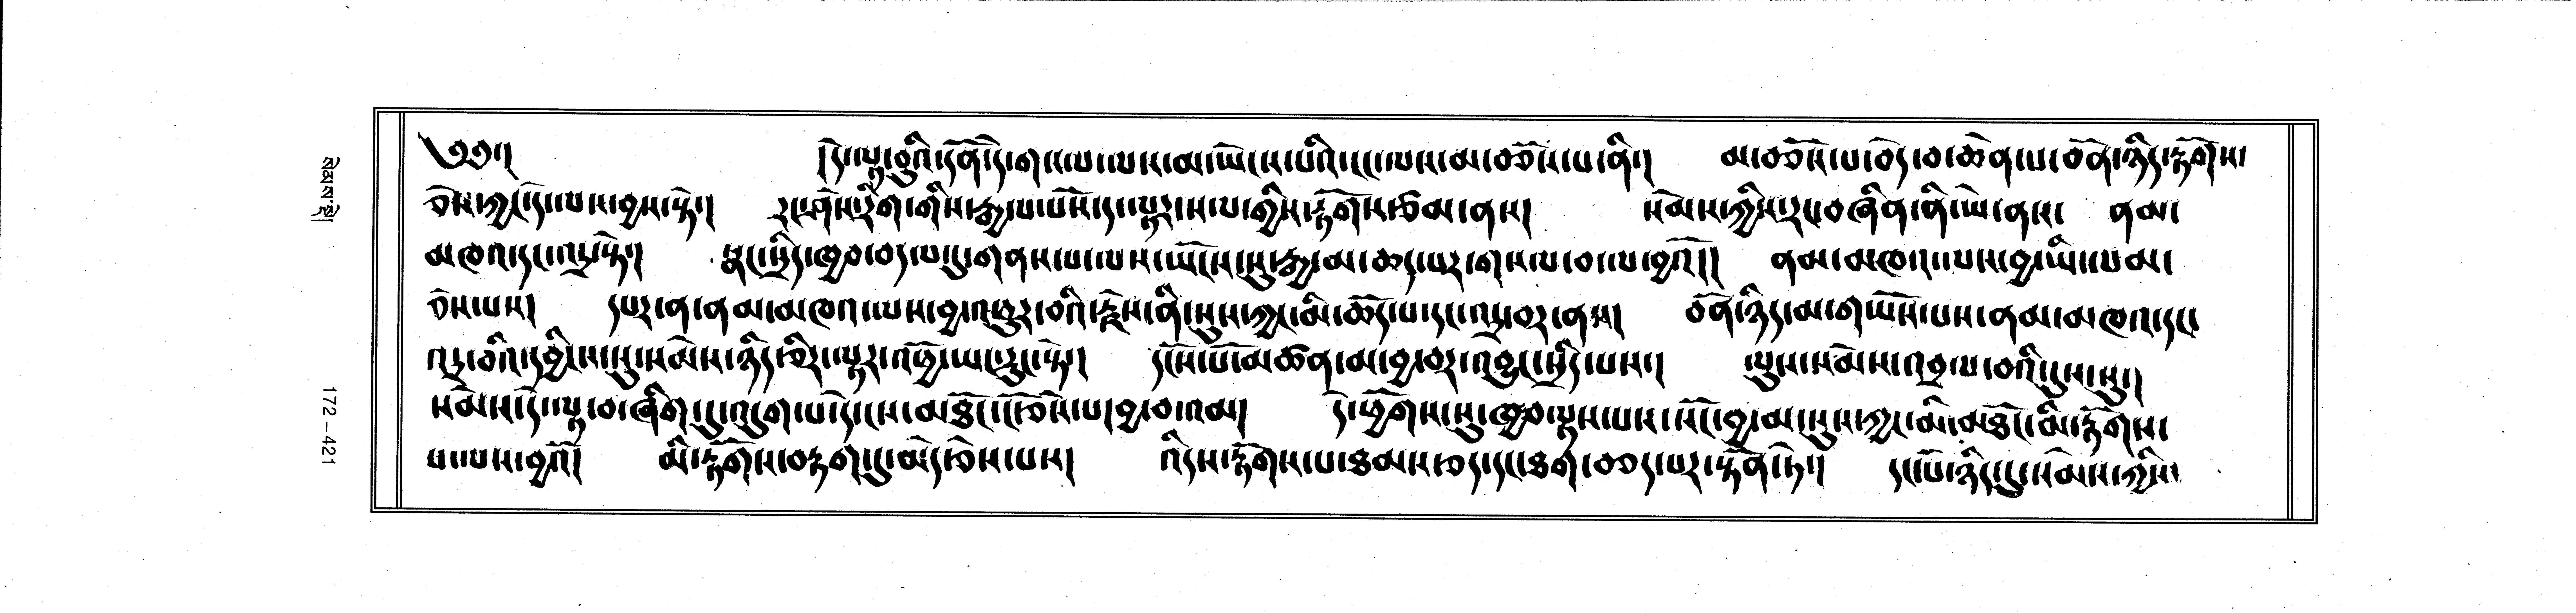དེ་ལྟ་བུའི་དོན་དེ་གསལ་ལས་མ་གཡེངས་པའི་ངང་ལས་མ་བཅོས་པ་ནི། མ་བཅོས་པ་བདེ་བ་ཆེན་པོ་བོན་ཉིད་རྟོགས་
ཅེས་ཀྱང་དེ་ལས་བྱས་སྟེ། རང་ཤེས་རིག་གིས་རྒྱལ་པོས་ད་ལྟར་སལ་གྱིས་རྟོགས་ཙམ་ནས། སེམས་ཀྱིས་རང་བཞིན་ནི་ཡེ་ནས། ནམ་
མཁའ་དང་འདྲ་སྟེ། སྣང་སྲིད་ཁྱབ་བདལ་དུ་གནས་པ་ལས་ཡོངས་སུ་རྒྱ་མ་ཆད་པར་གསལ་བ་ལ་བྱའོ། ནམ་མཁའ་ལས་བྱ་ཡི་ལམ་
ཅེས་པས། དཔེ་ན་ནམ་མཁའ་ལ་བྱ་འཕུར་བའི་རྗེས་ནི་སུས་ཀྱང་མི་ཆོད་པ་དང་འདྲ་བར་ནས། བོན་ཉིད་མ་གཡོས་པས་ནམ་མཁའ་དང་
འདྲ་བའི་དབྱིངས་སུ་སེམས་ཉིད་ཅིར་ལྟར་འཕྱོ་ཡང་རུང་སྟེ། དངོས་པོ་མཚན་མ་བྱ་བར་འབྱུང་སྲིད་པས། ལུས་སེམས་འབྲལ་བའི་དུས་སུ། 
སེམས་དེ་ལྟ་བ་ཞིག་དུ་འདུག་པ་དེ་ངས་མཐོང་ངོ་ཅེས་པ་བྱ་བ་འམ། དེ་ཕྱོགས་སུ་བལྟས་པས་སོང་བྱ་མ་སུས་ཀྱང་མི་མཐོང་མི་རྟོགས་
པ་ལས་བྱའོ། མི་རྟོགས་བརྟགས་དུ་མེད་ཅེས་པས། འདིས་རྟོགས་པ་ཐམས་བཅད་པར་སྟོན་ཏེ། དང་པོ་ཉིད་དུ་སེམས་ཀྱིས་